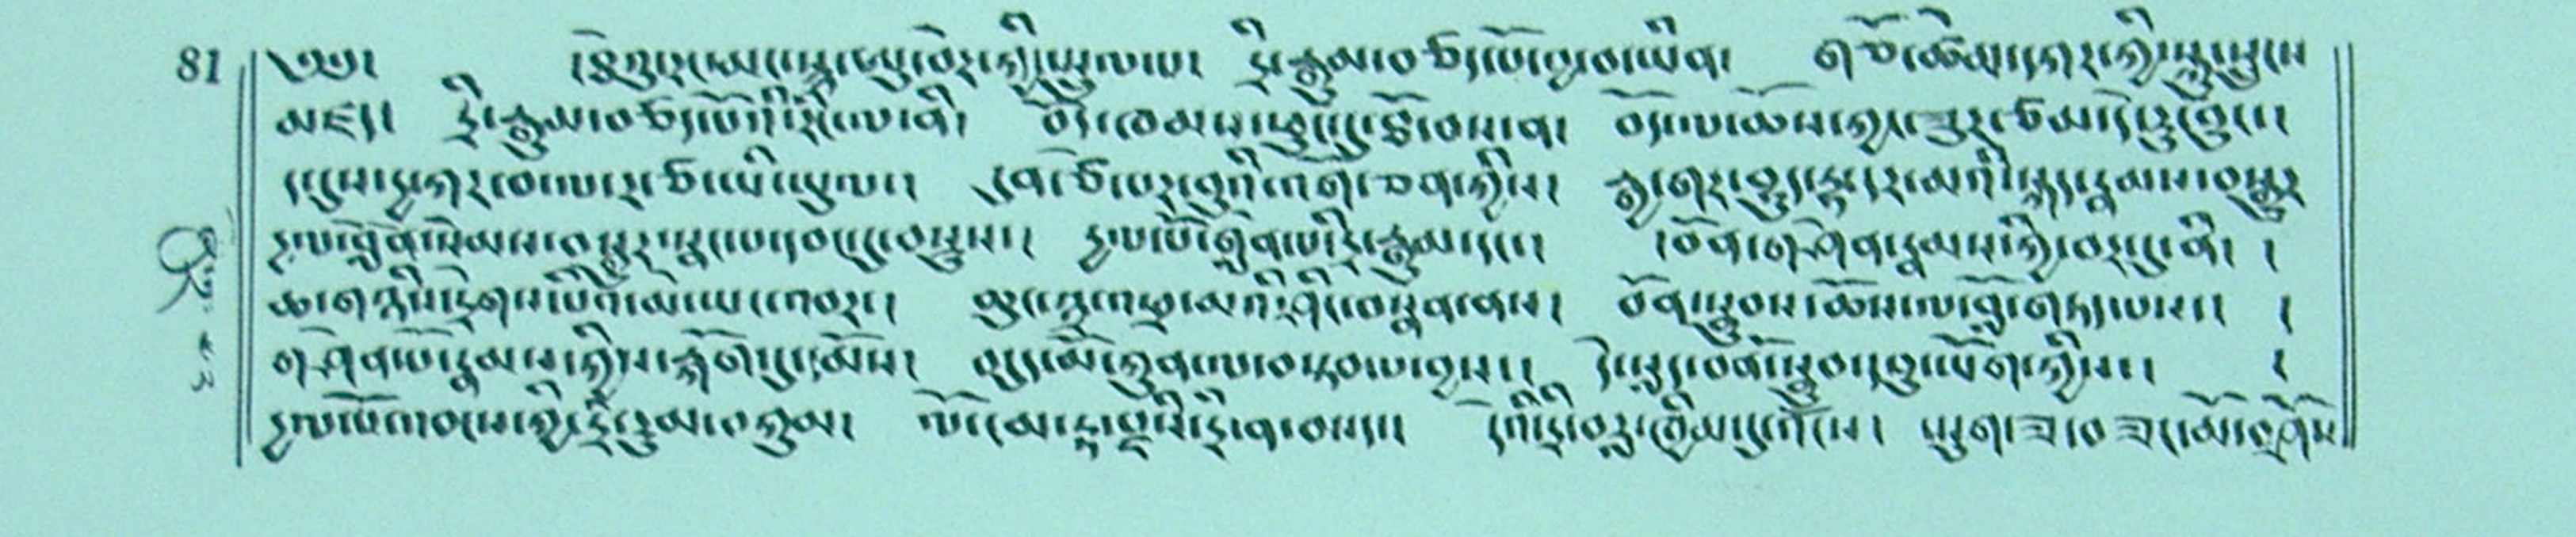༄༅། །ཐེའུ་རང་མིང་སྙ་ཨུ་ཝེར་གྱི་སྤྲུལ་པ། དྲི་ཀུམ་བཙད་པོ་བྱ་བ་ཡིན། གཅོ་ཚེམ་དཀར་གྱིས་སྐུ་བསྲུངས་
མཛད། གྲི་ཀུམ་བཙད་པོའི་རིང་ལ་ནི། བོད་ཁམས་ཕུང་དུ་ཐོ་བས་ན། བོད་ལ་ཆོས་ཀྱང་ཟུར་ཙམ་དེ་རུ་བྱུང་། 
དེ་དུས་རྒྱ་གར་བ་ལ་ར་ཙ་ཡི་ཡུལ། དུན་ཙེ་པར་བུ་མགོ་ཅན་གྱིས། རྒྱ་དཀར་བྷུད་བྷ་དར་མའི་སྐད་རྣམས་བསྒྱུར། 
རྒྱལ་བློན་སེམས་བསྒྱུར་སྣང་བ་དབང་དུ་བསྡུས། རྒྱལ་པོ་གླེན་པ་དྲི་རྒུམ་དང་། བོན་གཤེན་རྣམས་ཀྱི་བར་དུ་ནི། 
ཆ་གཉིས་དྲེགས་པའི་མེ་ཡང་འབར། ཆུང་གསུམ་ཕྲ་མའི་ཤིང་ཡང་བསྣན་ནས། བོན་བསྣུབས་ཆོས་ལ་བློ་གཏད་པས། 
གཤེན་པོ་རྣམས་ཀྱིས་ལྐོག་ཏུ་དམོས། བདུད་མོ་ཀུན་ལ་བསྟབ་པ་བྱས། དེ་སླད་བོན་བསྣུབ་དབུ་ཡོག་གིས། 
རྒྱལ་པོ་འབངས་ཀྱི་གྲི་རུམ་བཀུམས། ལོ་ངམ་རྟ་རྫིས་གྲི་ན་བསད། དེའི་གྲི་བརླ་ཁྱིམ་དུ་འོངས། ཡུགས་ཟ་བཟང་མོ་བཤོས་